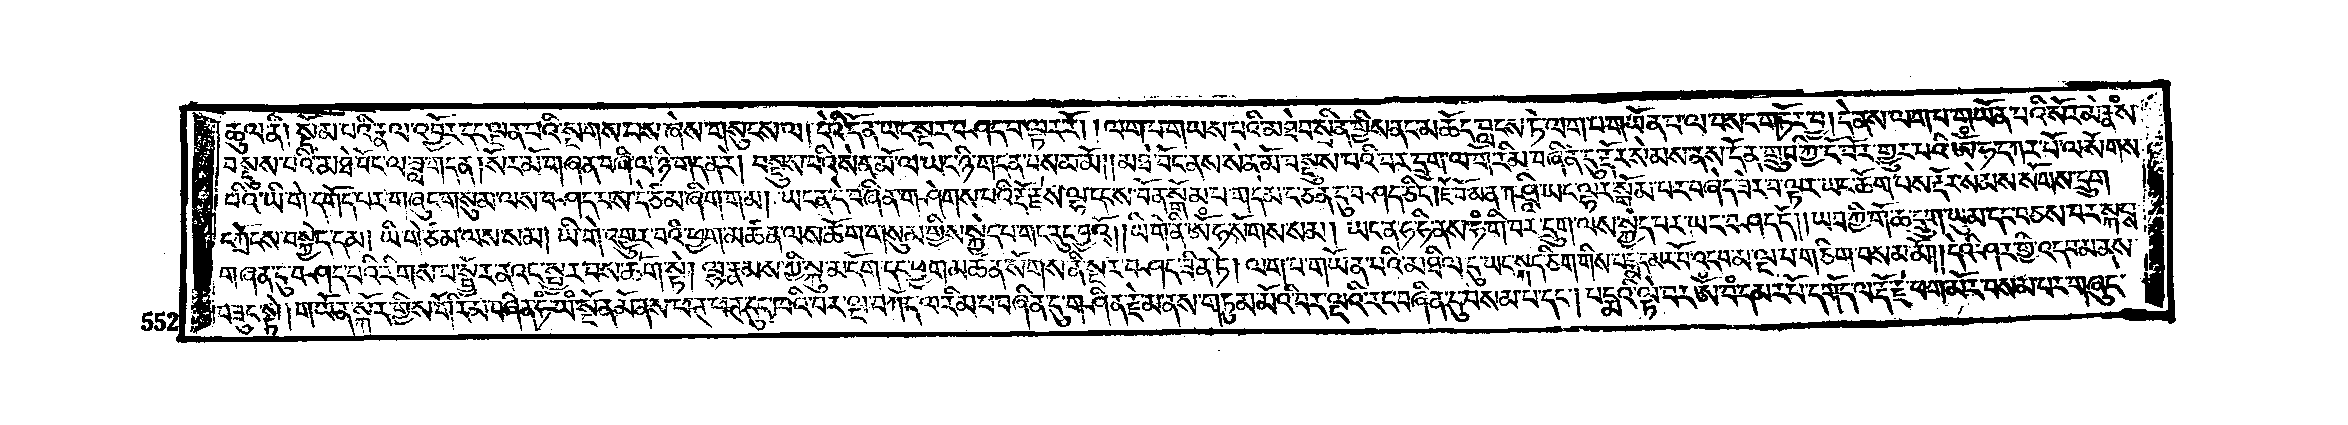ཚུལ་ནི། སྡོམ་པའི་རྣལ་འབྱོར་དང་ལྡན་པའི་སྔགས་པས་ཞེས་གསུངས་ལ། དེའི་དོན་ཡང་སྔར་བཤད་པ་ལྟར་རོ། །ལག་པ་གཡས་པའི་མཐེབ་སྲིན་གྱིས་ནང་མཆོད་བླངས་ཏེ་ལག་པ་གཡོན་པ་ལ་བསང་གཏོར་བྱ། དེ་ནས་ལག་པ་གཡོན་པའི་སོར་མོ་རྣམས་
བསྡུས་པའི་མཐེ་བོང་ལ་ཟླ་གདན། སོར་མོ་གཞན་བཞི་ལ་ཉི་གདན་རེ། བསྡུས་པའི་སེན་མོ་ལ་ཡང་ཉི་གདན་བསམ་མོ། །མཐེ་བོང་ནས་སེན་མོ་བསྡུས་པའི་བར་དྲུག་ལ་གོ་རིམ་བཞིན་དུ་རྡོར་སེམས་ནས་དོན་གྲུབ་ཀྱི་ངོ་བོར་གྱུར་པའི་ཨོཾ་ཧ་དཀར་པོ་ལ་སོགས་
པའི་ཡི་གེ་དགོད་པར་གཞུང་གསུམ་ལས་བཤད་པས་དེ་ཙམ་ཞིག་གམ། ཡང་ན་དེ་བཞིན་གཤེགས་པའི་རྡོ་རྗེས་ལྷ་དང་ས་བོན་སྒོམ་པ་གདམ་ང་ཅན་དུ་བཤད་ཅིང་། ཇོ་བོ་?་མ་ནཱ་ཀ་ཤྲཱི་ཡང་ལྷར་སྒོམ་པར་བཞེད་ཟེར་བ་ལྟར་ཡང་ཆོག་པས་རྡོར་སེམས་སོགས་དྲུག་
དཀྲོངས་བསྐྱེད་དམ། ཡི་གེ་ཙམ་ལས་སམ། ཡི་གེ་འགྱུར་བའི་ཕྱག་མཚན་ལས་ཆོ་ག་གསུམ་གྱིས་སྐྱེད་པ་གང་རུང་བྱའོ། །ཡི་གེ་ནི་ཨོཾ་ཧ་སོགས་སམ། ཡང་ན་ཧ་ཧི་ནས་ཧཾ་གི་བར་དྲུག་ལས་སྐྱེད་པར་ཡང་བཤད་དོ། །ཡབ་ཀྱི་གོ་ཆ་དྲུག་ཡུམ་དང་བཅས་བར་སྐབས་
གཞན་དུ་བཤད་པའི་རིགས་པ་སྦྱོར་ནའང་སྦྱར་བས་ཆོག་སྟེ། ལྷ་རྣམས་ཀྱི་སྐུ་མདོག་དང་ཕྱག་མཚན་སོགས་ནི་སྔར་བཤད་ཟིན་ཏེ། ལག་པ་གཡོན་པའི་མཐིལ་དུ་ཡང་སྐད་ཅིག་གིས་པདམ་དམར་པོ་འདབ་མ་ལྔ་པ་གཅིག་བསམ་མོ། །དེའི་ཤར་གྱི་འདབ་མ་ནས་
བཟུང་སྟེ། གཡོན་སྐོར་གྱིས་གོ་རིམ་བཞིན་ཧཾ་ཡཾ་སྔོན་མོ་ནས་ཕཊ་ཕཊ་དུད་ཁའི་བར་ལྔ་བཀོད་ལ་རིམ་པ་བཞིན་དུ་གཤིན་རྗེ་མ་ནས་གཏུམ་མོའི་བར་ལྔའི་རང་བཞིན་དུ་བསམ་པ་དང་། པདམའི་ལྟེ་བར་ཨོཾ་བཾ་དམར་པོ་དགོད་ལ་རྡོ་རྗེ་ཕག་མོར་བསམ་པར་གཞུང་